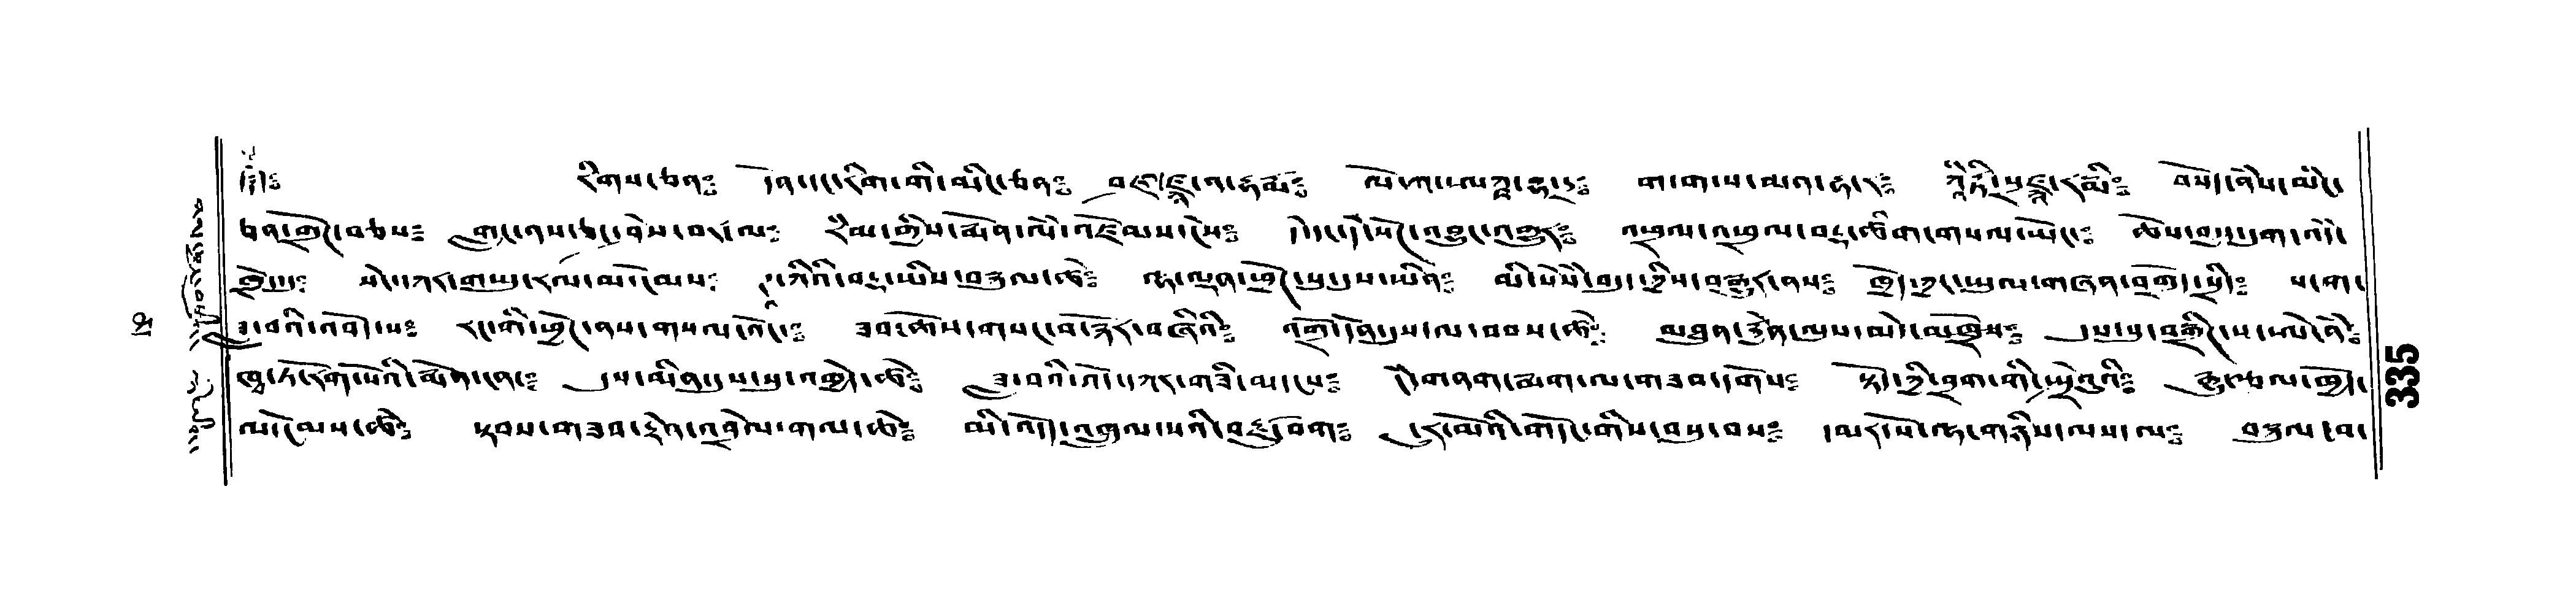རིགས་ཅན༔ དོན་དང་རིག་གི་མིང་ཅན༔ བཛྲ་ཛྙཱ་ན་དྷརྨ༔ ལོ་ཀ་ཨཀྵ་བྷ་དྲ༔ ག་ག་ས་མན་དྷ་ར༔ ཀཱིརྟི་པྲཛྙཱ་རསྨི༔ བསོད་ནམས་མིང་
ཅན་གྲོགས་བཅས༔ གླང་ནས་ཅང་ཤེས་བར་ལ༔ རིམ་གྱིས་སྨོན་ལམ་འཛོམས་ངེས༔ དེ་དང་དེ་སོགས་འབྱུང་འགྱུར༔ འཕྲལ་འཕྲལ་བརྡ་ཚིག་གསལ་ཡོང༔ ཆོས་བརྒྱད་དུག་འདམ་
ཁྲོད་དུ༔ སེང་དཀར་གཡུ་རལ་མ་ངོམས༔ ཌཱ་ཀིའི་བརྡ་ཡིས་བསྐུལ་ཚེ༔ ལྷ་ལྡན་ཕྱོགས་སུ་དུས་ཡིན༔ མི་སེམས་བདུད་ཀྱིས་བསྒྱུར་ནས༔ ཁྱོད་ཀྱང་ཡུལ་གཞན་བགྲོད་སྲིད༔ ས་ག་
ཟླ་བའི་འབོད་པ༔ རང་གི་ཕྱོགས་ནས་གསལ་འོང༔ ཟབ་ཆོས་གསང་བ་སྐོར་བཞིའི༔ འགྲོ་དོན་དུས་ལ་བབས་ཚེ༔ མཐུན་རྐྱེན་ལུས་མེད་མཁའ་འགྲོས༔ དུས་སུ་བསྒྲིགས་པ་ཨེ་ནམ༔ 
ཁྭ་ཏ་རོག་པོའི་སྨོན་ངན༔ དུས་མིན་དུས་སུ་འགྱེད་ཚེ༔ཟླ་བའི་འོད་དཀར་གཟི་མདངས༔ ངམ་གནག་སྨག་ལ་གཟབ་དགོས༔ སྟོད་ཀྱི་བྲག་གི་སྤྲེའུའི༔ སྒྱུ་རྩལ་ཁྱོད་
ལ་ངོམས་ཚེ༔ སྟབས་གཟབ་རྟེན་འབྲེལ་གལ་ཆེ༔ མི་འདོད་འཁྲུལ་པའི་བརྫུ་བག༔ ངུར་མོའི་གདོང་གིས་བསུ་བས༔ དམར་པོ་ལྷ་གཉིས་ལས་ལ༔ བསྐུལ་བ་